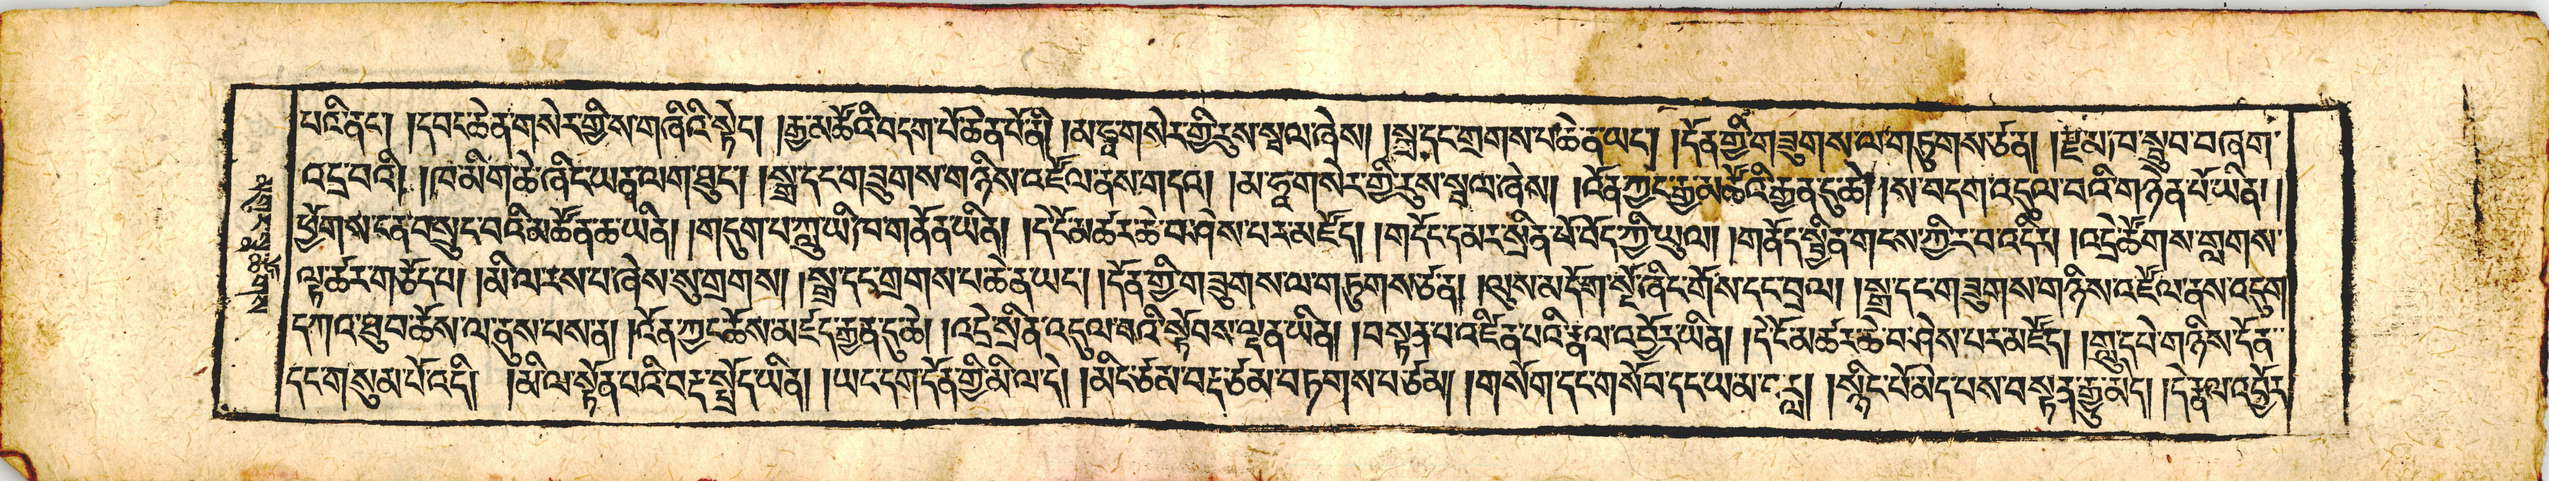པའི་ནང་། །དབང་ཆེན་གསེར་གྱི་ས་གཞིའི་སྟེང་། །རྒྱ་མཚོའི་བདག་པོ་ཆེན་པོ་ནི། །མ་ཧཱ་གསེར་གྱི་རུས་སྦལ་ཞེས། །སྒྲ་དང་གྲགས་པ་ཆེ་ན་ཡང་། །དོན་གྱི་གཟུགས་ལ་གཏུགས་ཙ་ན། །རྫ་མ་ཁ་སྦུབ་བཞག་
འདྲ་བའི། །ཁ་མིག་ཆེ་ཞིང་ཡན་ལག་ཐུང་། །སྒྲ་དང་གཟུགས་གཉིས་འཛོལ་ནས་གདའ། །མ་ཧཱ་གསེར་གྱི་རུས་སྦལ་ཞེས། །འོན་ཀྱང་རྒྱ་མཚོའི་རྒྱན་དུ་ཆེ། །ས་བདག་འདུལ་བའི་གཉེན་པོ་ཡིན། །
ཕྱོགས་ངན་བསྲུང་བབའི་མཚོན་ཆ་ཡིན། །གདུག་པ་ཀླུ་ཡི་ཁ་གནོན་ཡིན། །དེ་ངོ་མཚར་ཆེ་བ་ཤེས་པར་མཛོད། །གདོང་དམར་སྲིན་པོ་བོད་ཀྱི་ཡུལ། །གནོད་སྦྱིན་གངས་ཀྱི་རྭ་བ་འདིར། །འདྲེ་ཚོགས་གླགས་
ལྟ་ཚར་གཅོད་པ། །མི་ལ་རས་པ་ཞེས་སུ་གྲགས། །སྒྲ་དང་གྲགས་པ་ཆེ་ན་ཡང་། །དོན་གྱི་གཟུགས་ལ་གཏུགས་ཙ་ན། །ལུས་མདོག་སྔོ་ཞིང་གོས་དང་བྲལ། །སྒྲ་དང་གཟུགས་གཉིས་འཛོལ་ནས་འདུག །
དཀའ་ཐུབ་ཆོས་ལ་ནུས་པས་ན། །འོན་ཀྱང་ཆོས་མཛད་རྒྱན་དུ་ཆེ། །འདྲེ་སྲིན་འདུལ་བའི་སྟོབས་ལྡན་ཡིན། །བསྟན་པ་འཛིན་པའི་རྣལ་འབྱོར་ཡིན། །དེ་ངོ་མཚར་ཆེ་བ་ཤེས་པར་མཛོད། །གླུ་དཔེ་གཉིས་དོན་
དང་གསུམ་པོ་འདི། །མི་ལ་སྟོན་པའི་བརྡ་སྤྲོད་ཡིན། །ཡང་དག་དོན་གྱི་མི་ལ་དེ། །མིང་ཙམ་བརྡ་ཙམ་བཏགས་པ་ཙམ། །གསོག་དང་གསོབ་དང་ཡ་མ་བརླ། །སྙིང་པོ་མེད་པས་བསྟན་རྒྱུ་མེད། །དེ་རྣལ་འབྱོར་